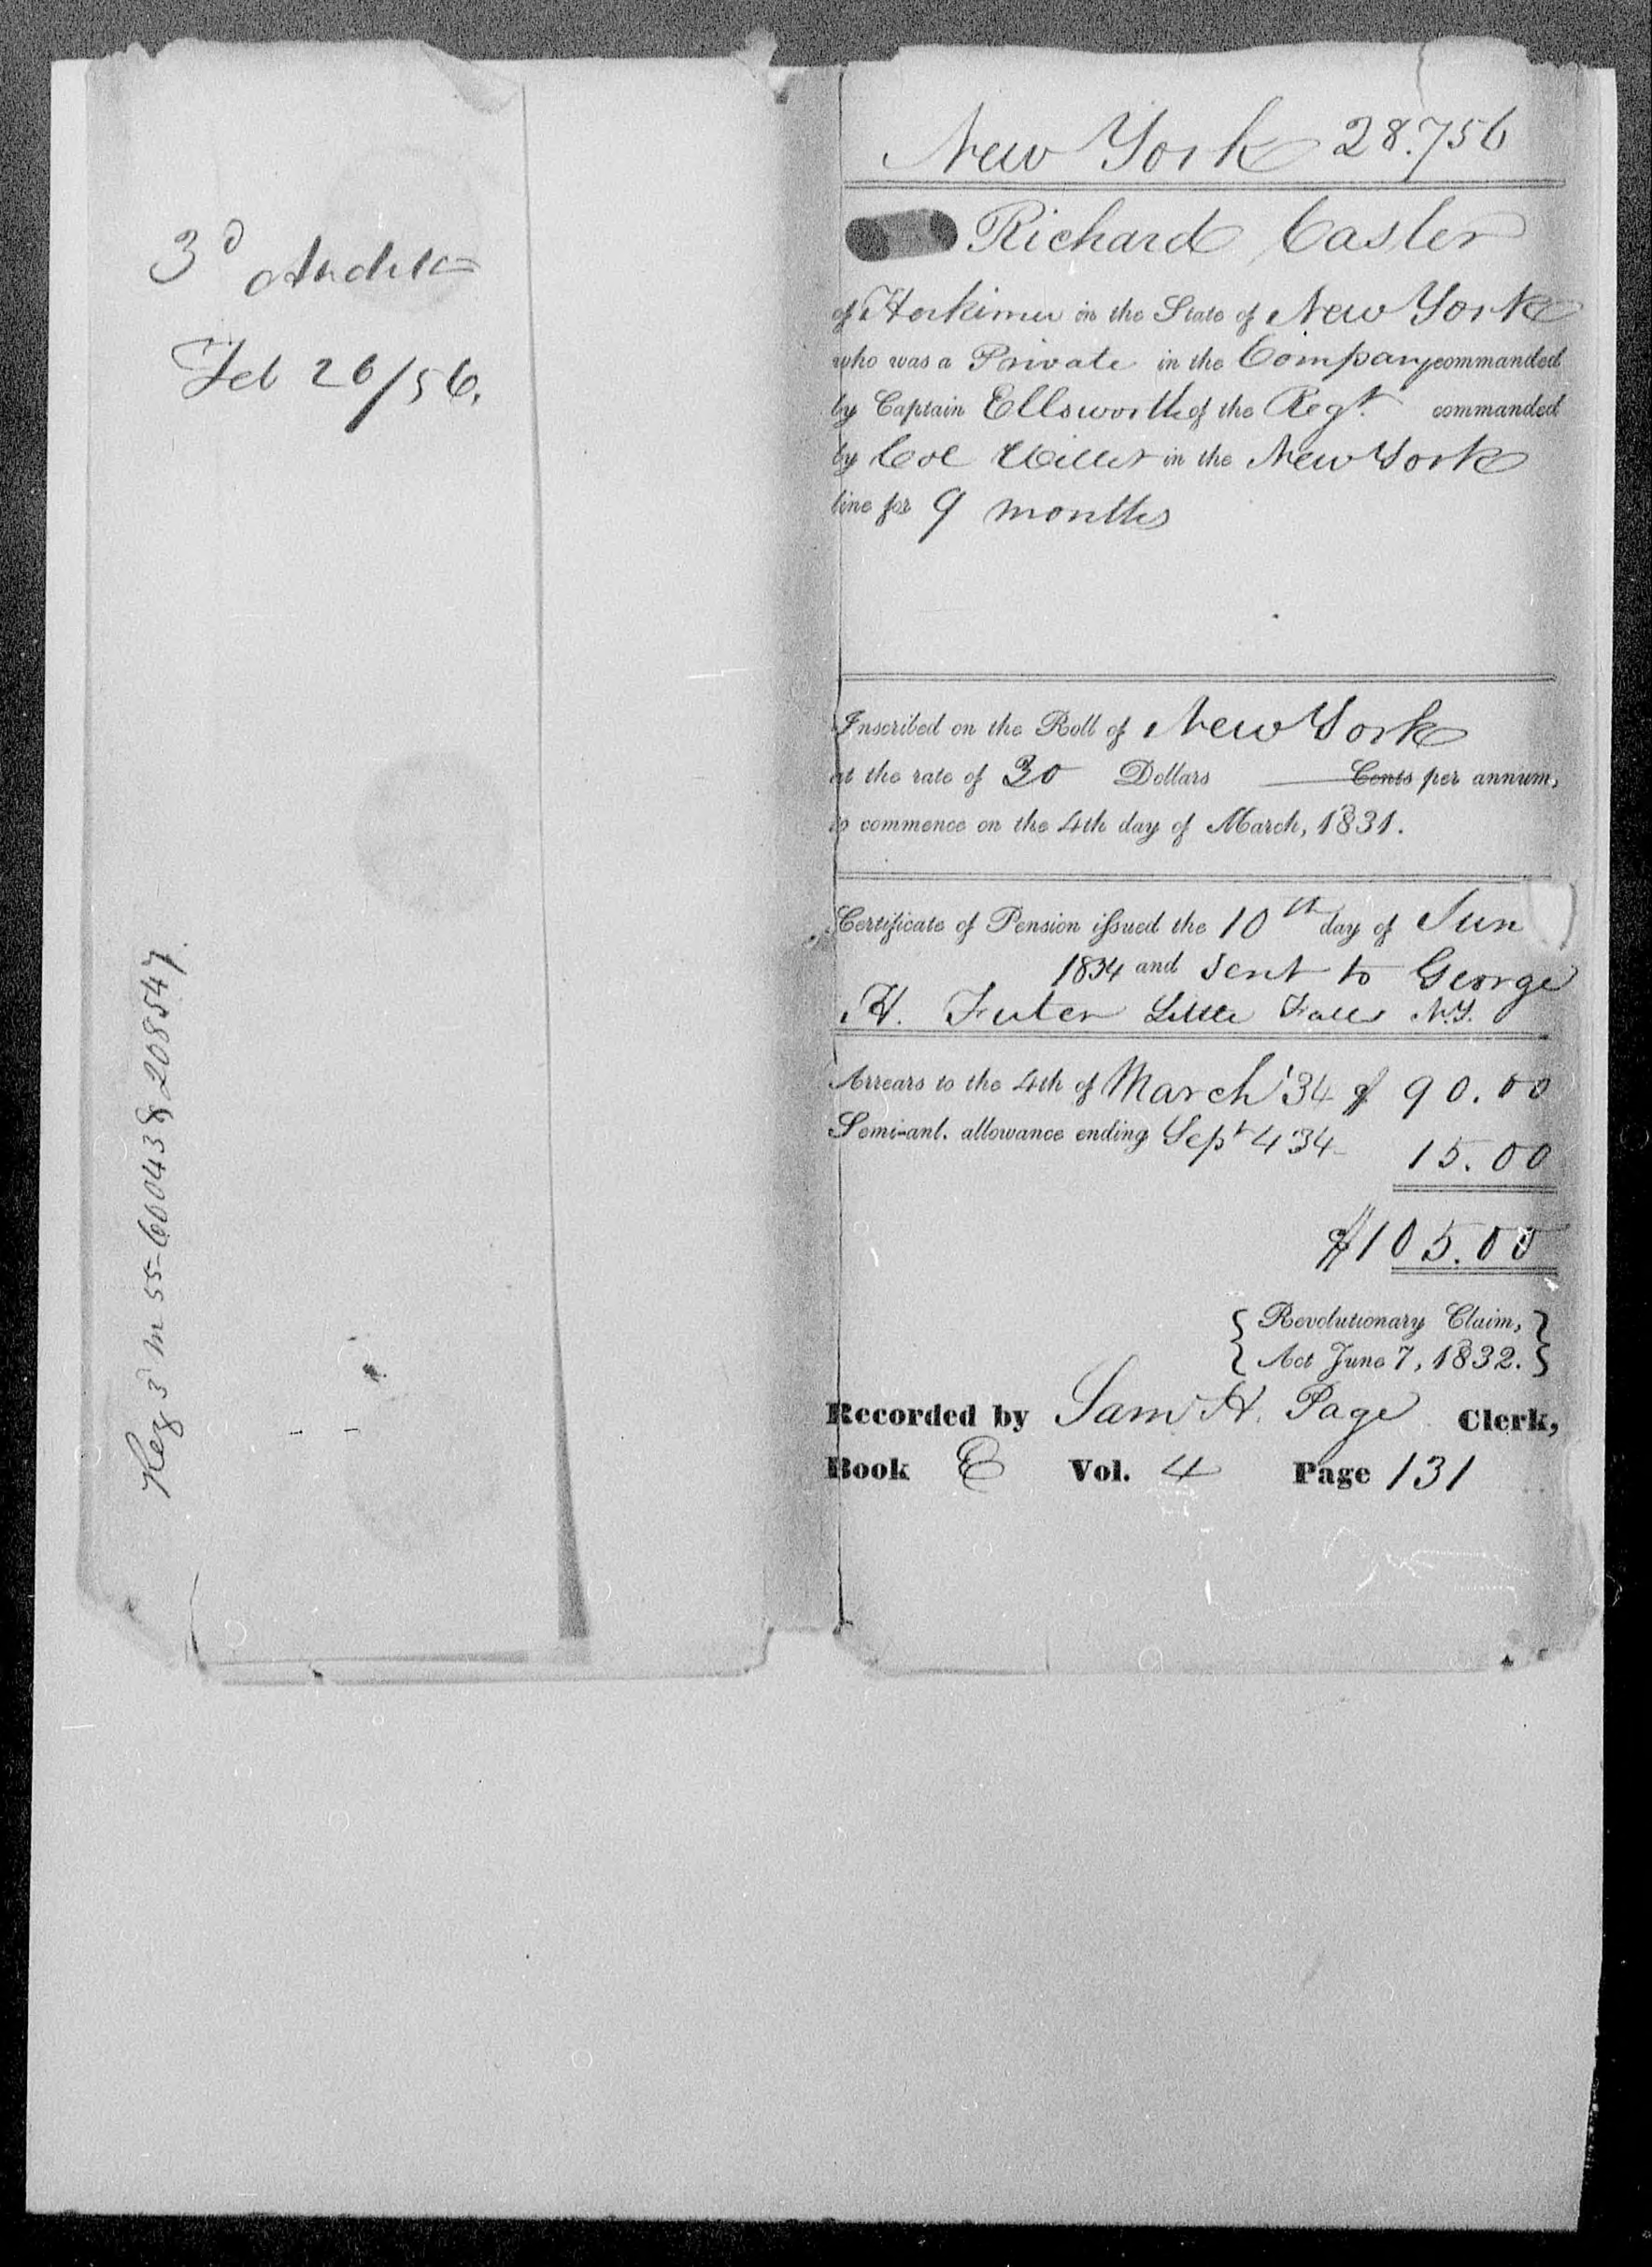[left side]
3d Auditor 
Feb 26/56.
Reg 3 M 55-60043 & 208547


[right side]
New York 28.756 
Richard Casler of Herkimer in the State of New York who was a Private in the Company commanded by Captain Ellsworth of the Regt. commanded Col Willet in the New York line for 9 months 

Inscribed on the Roll of New York at the rate of 30 Dollars - Cents per annum, to commence on the 4th day of March, 1831. 

Certificate of Pension issued the 10th day of June 1834 and sent to George H. Feeter Little Falls N. Y. 

Arrears to the 4th of March '34   $90.00 
Semi-anl. allowance ending Sept 4 ‘34 15.00 
[total] $105.00 
{Revolutionary Claim, Act June 7, 1832.}
Recorded by Saml. H. Page Clerk 
Book E  Vol. 4  Page 131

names: Sam H Page, Willet, Richard Casler, George H Feeter, Ellsworth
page: 2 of 66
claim: widow's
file: W. 6637, Richard Caslar, New York